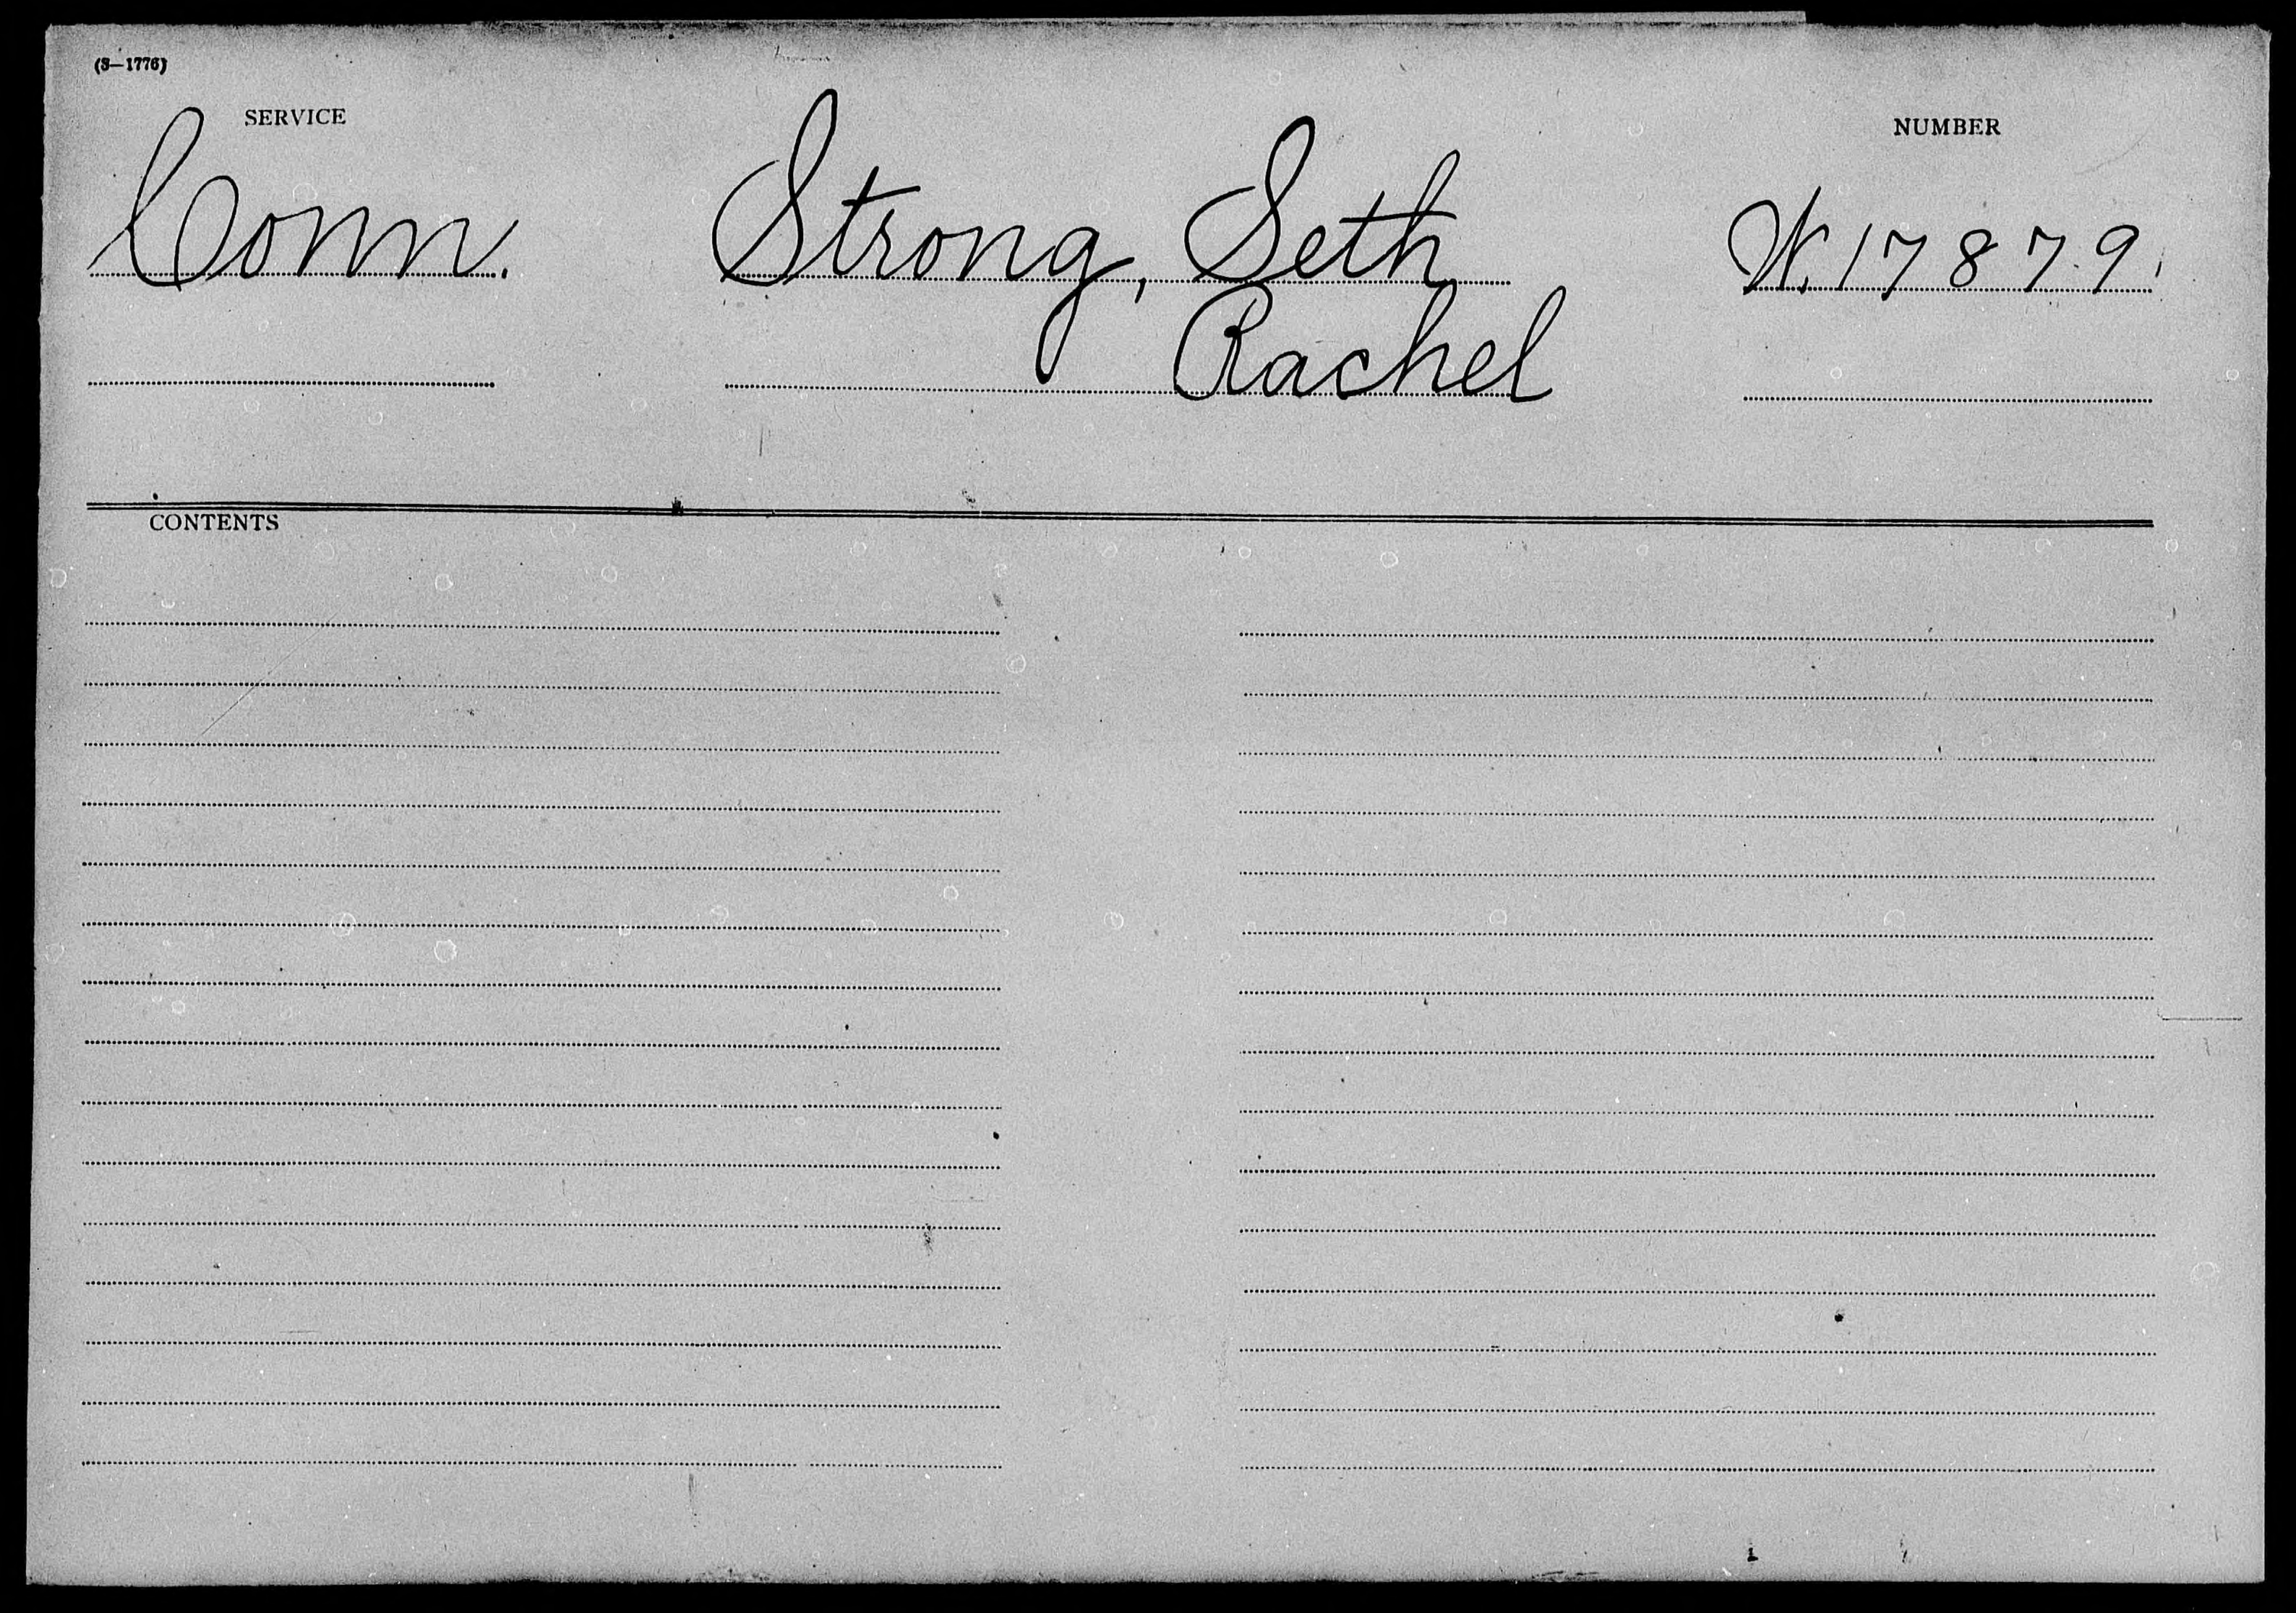(3-1776)

SERVICE
Conn.

Strong, Seth
Rachel

NUMBER 
W.17879

CONTENTS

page: 1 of 47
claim: widow's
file: W. 17879, for Seth Strong, Connecticut